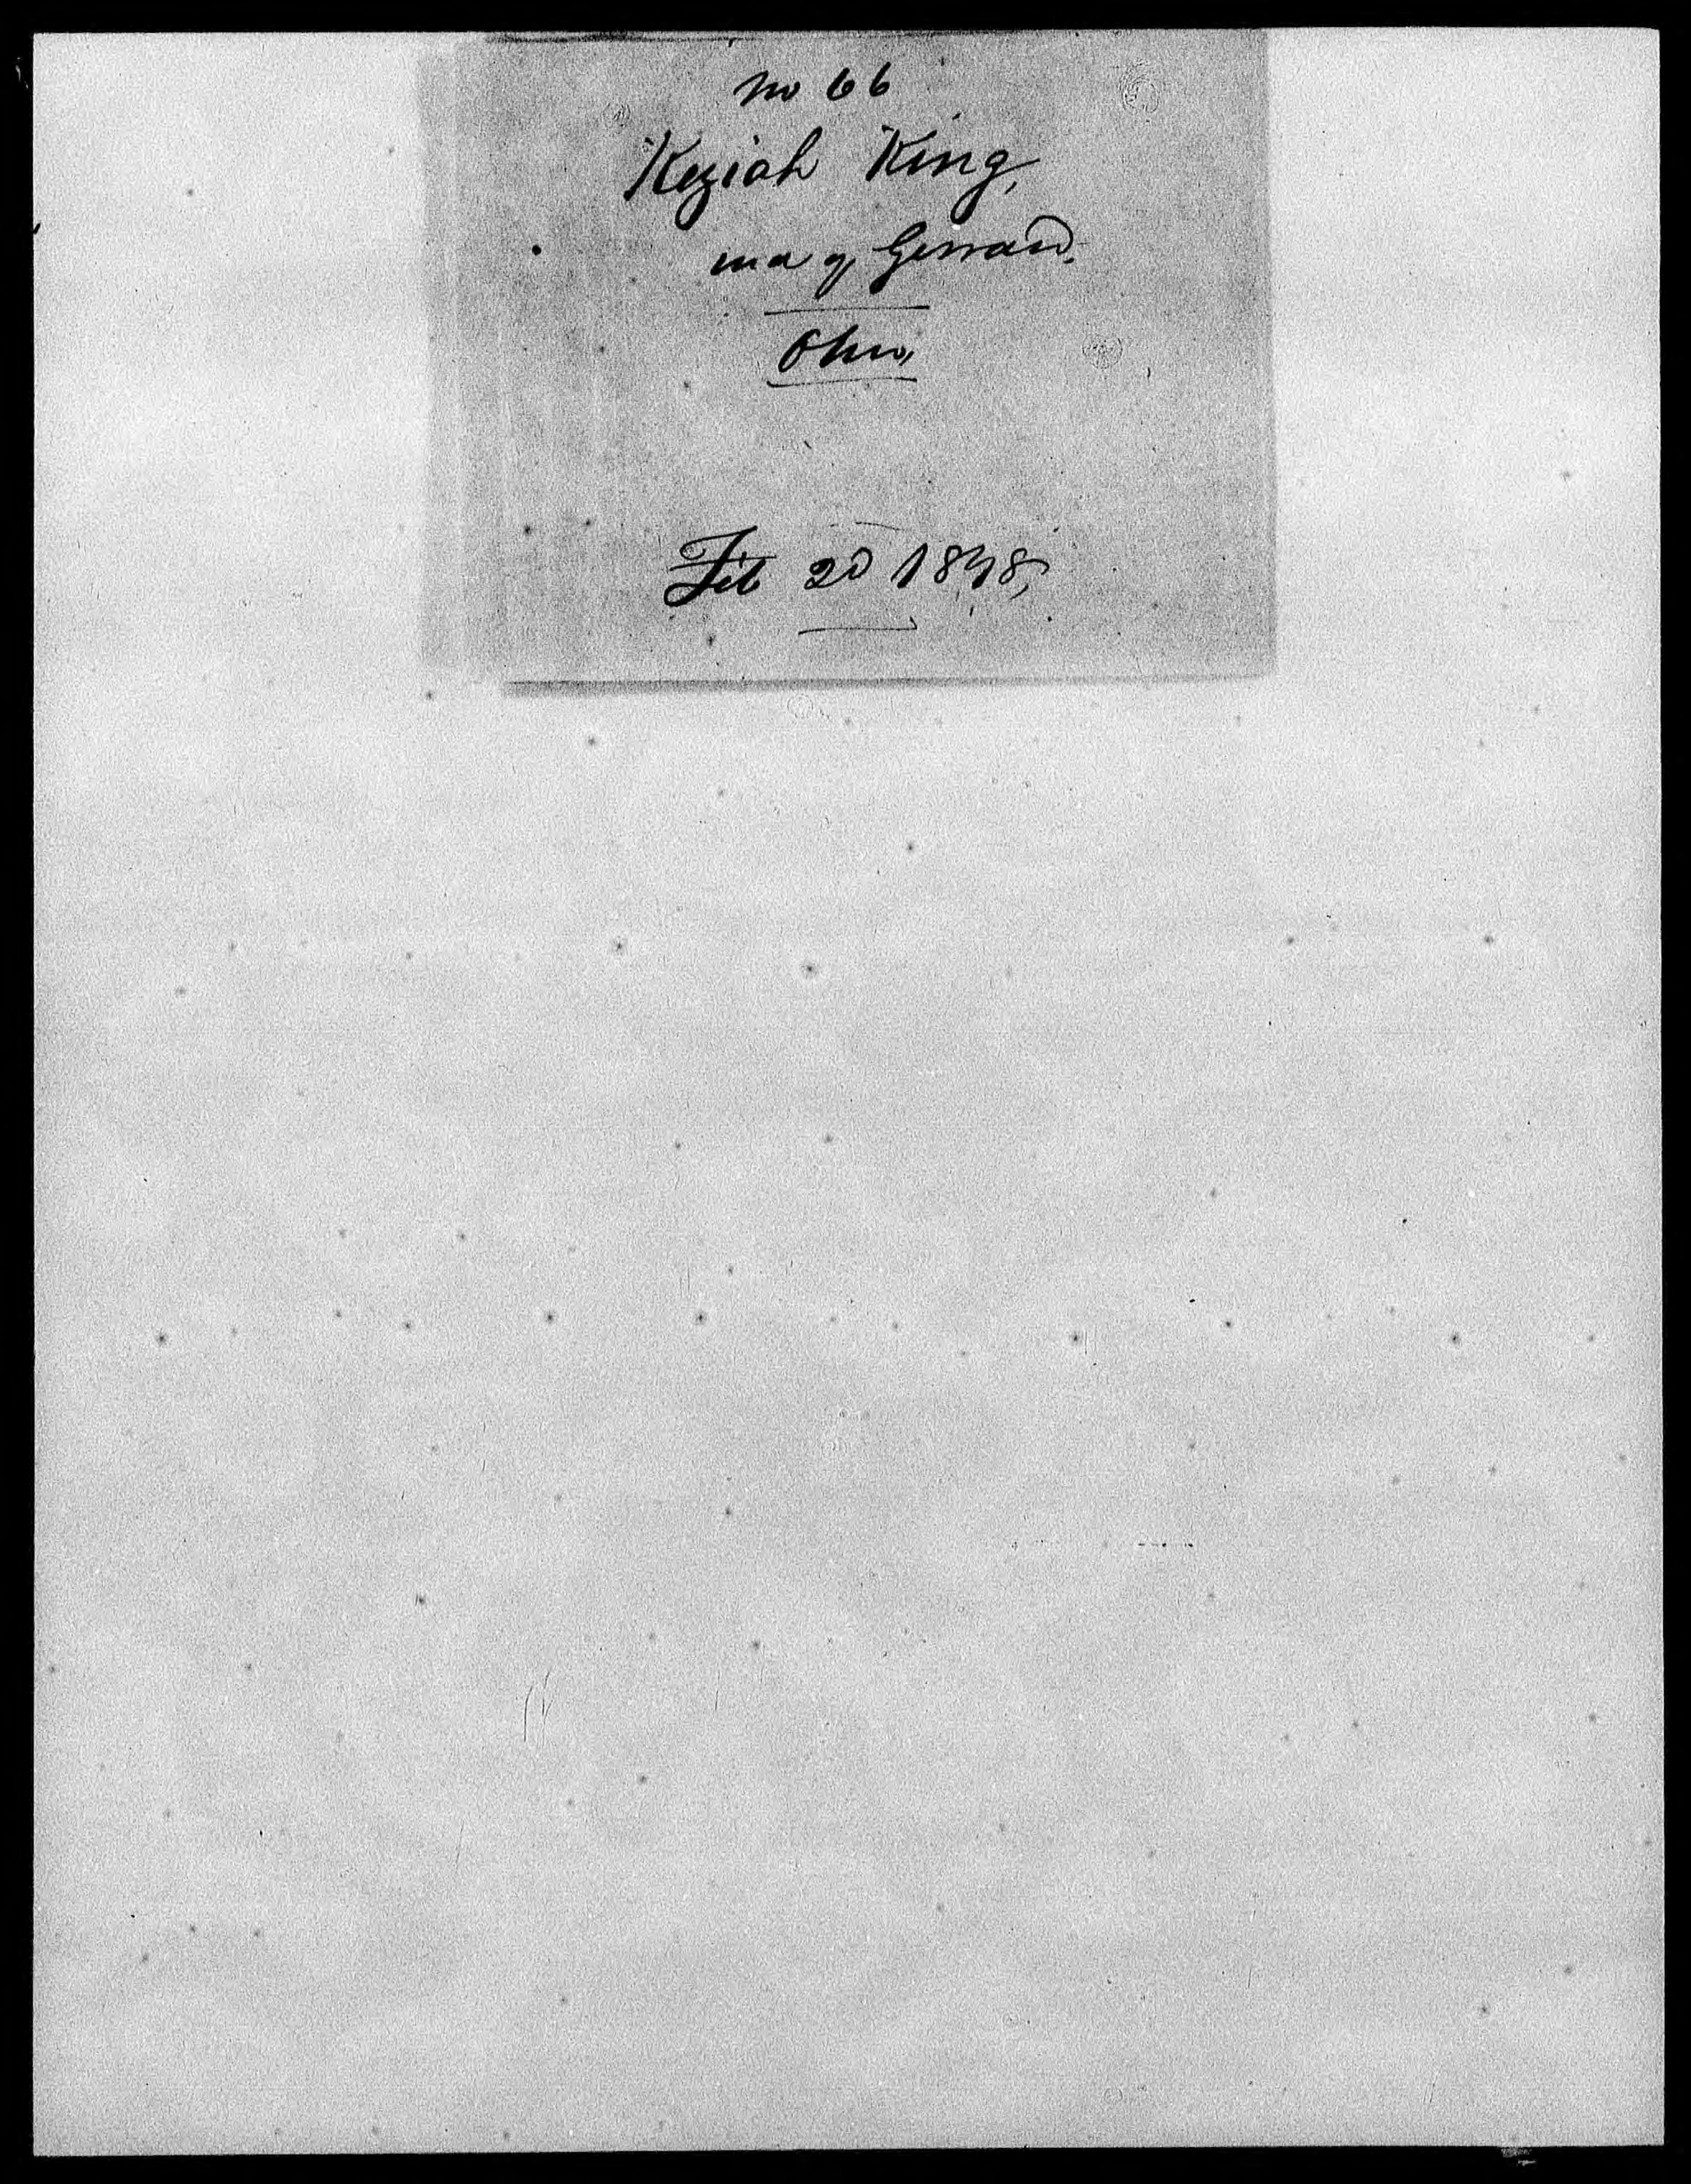no 66
Keziah [Kesiah] King
wd [widow] of Gerrard [King] 
Ohio
Feb. 20 1848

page: 22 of 45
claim: widow's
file: W. 7984, for Gerrard King, Virginia